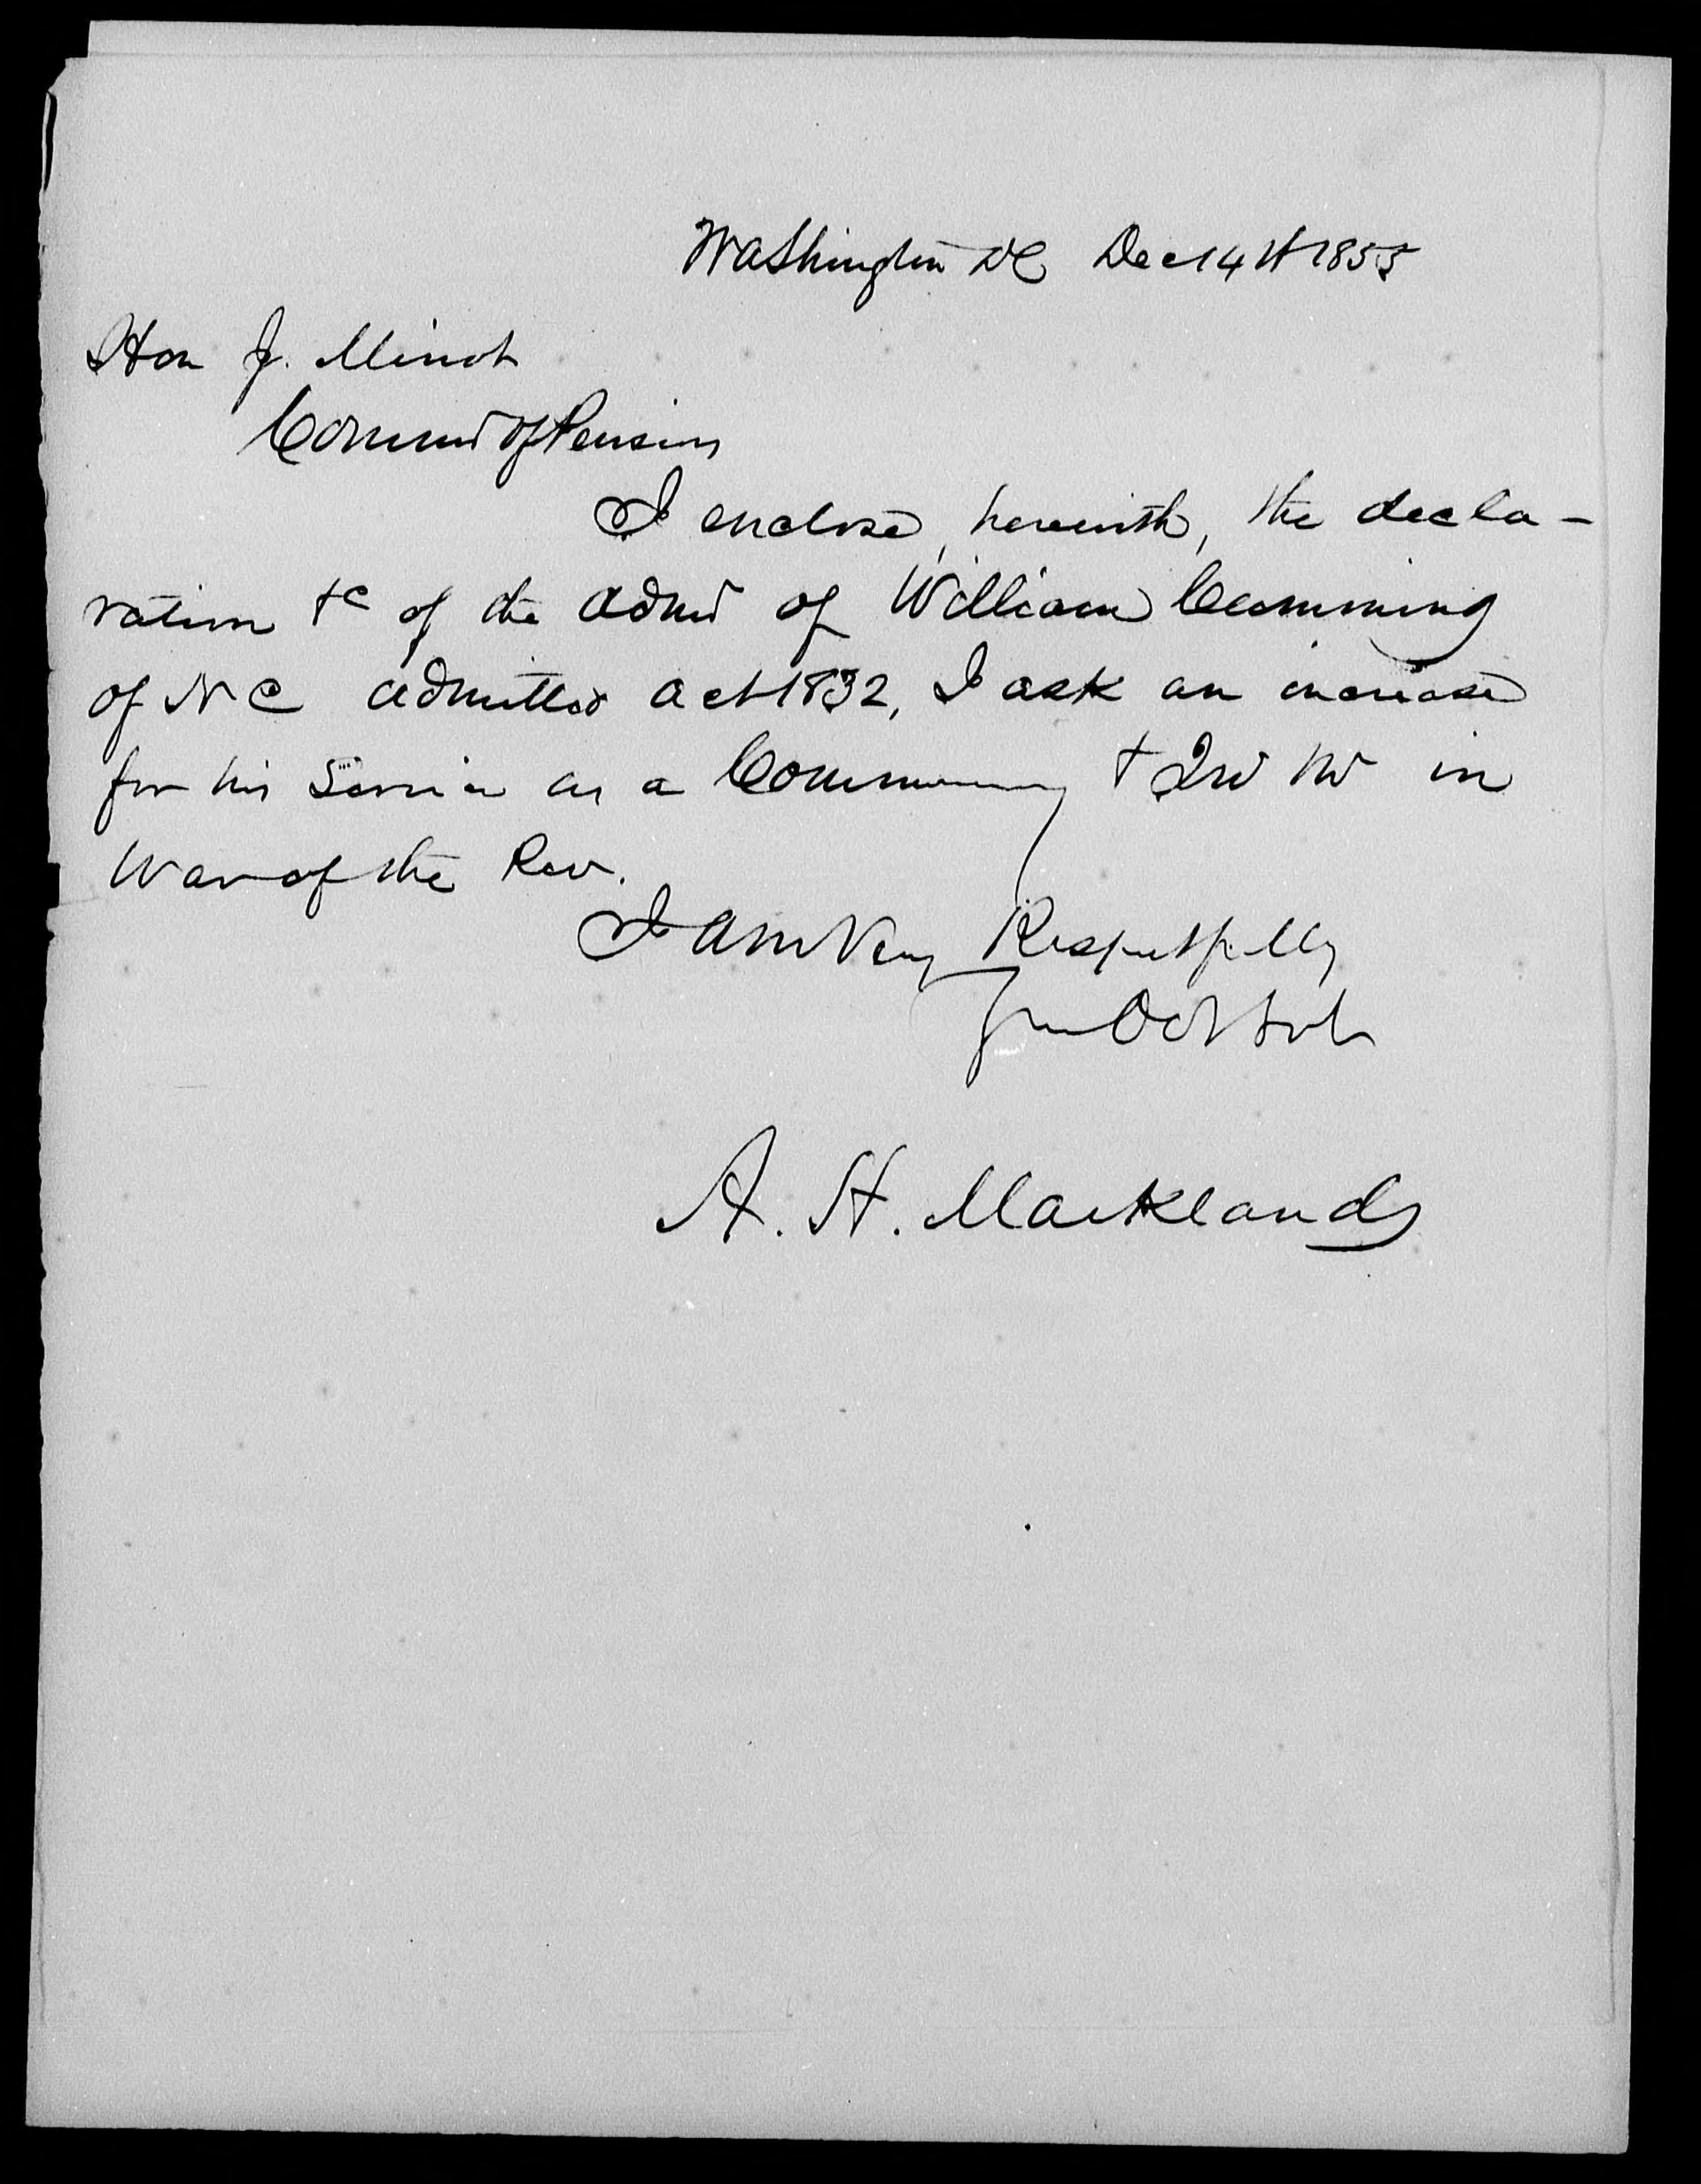Washington DC Decr [December] 4th 1855 

Hon J. Minot
Commr [Commissioner] of Pensions

I enclose, herewith, the declaration &c [and etcetera] of the admr [administrator, as in administrator of William Cumming's estate] of William Cumming of NC admitted act 1832, I ask an increase for his Service as a Commissary and Qr M [Quarter Master] in War of the Rev. [Revolution].

I am Very Respectflly [Respectfully] 
Yr [Your} Obt Srvt [Your Obedient Servant]

A. H. Markland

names: William Cumming, J Minot, A H Markland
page: 60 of 145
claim: survivor's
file: S. 8265, William Cumming, N.C.